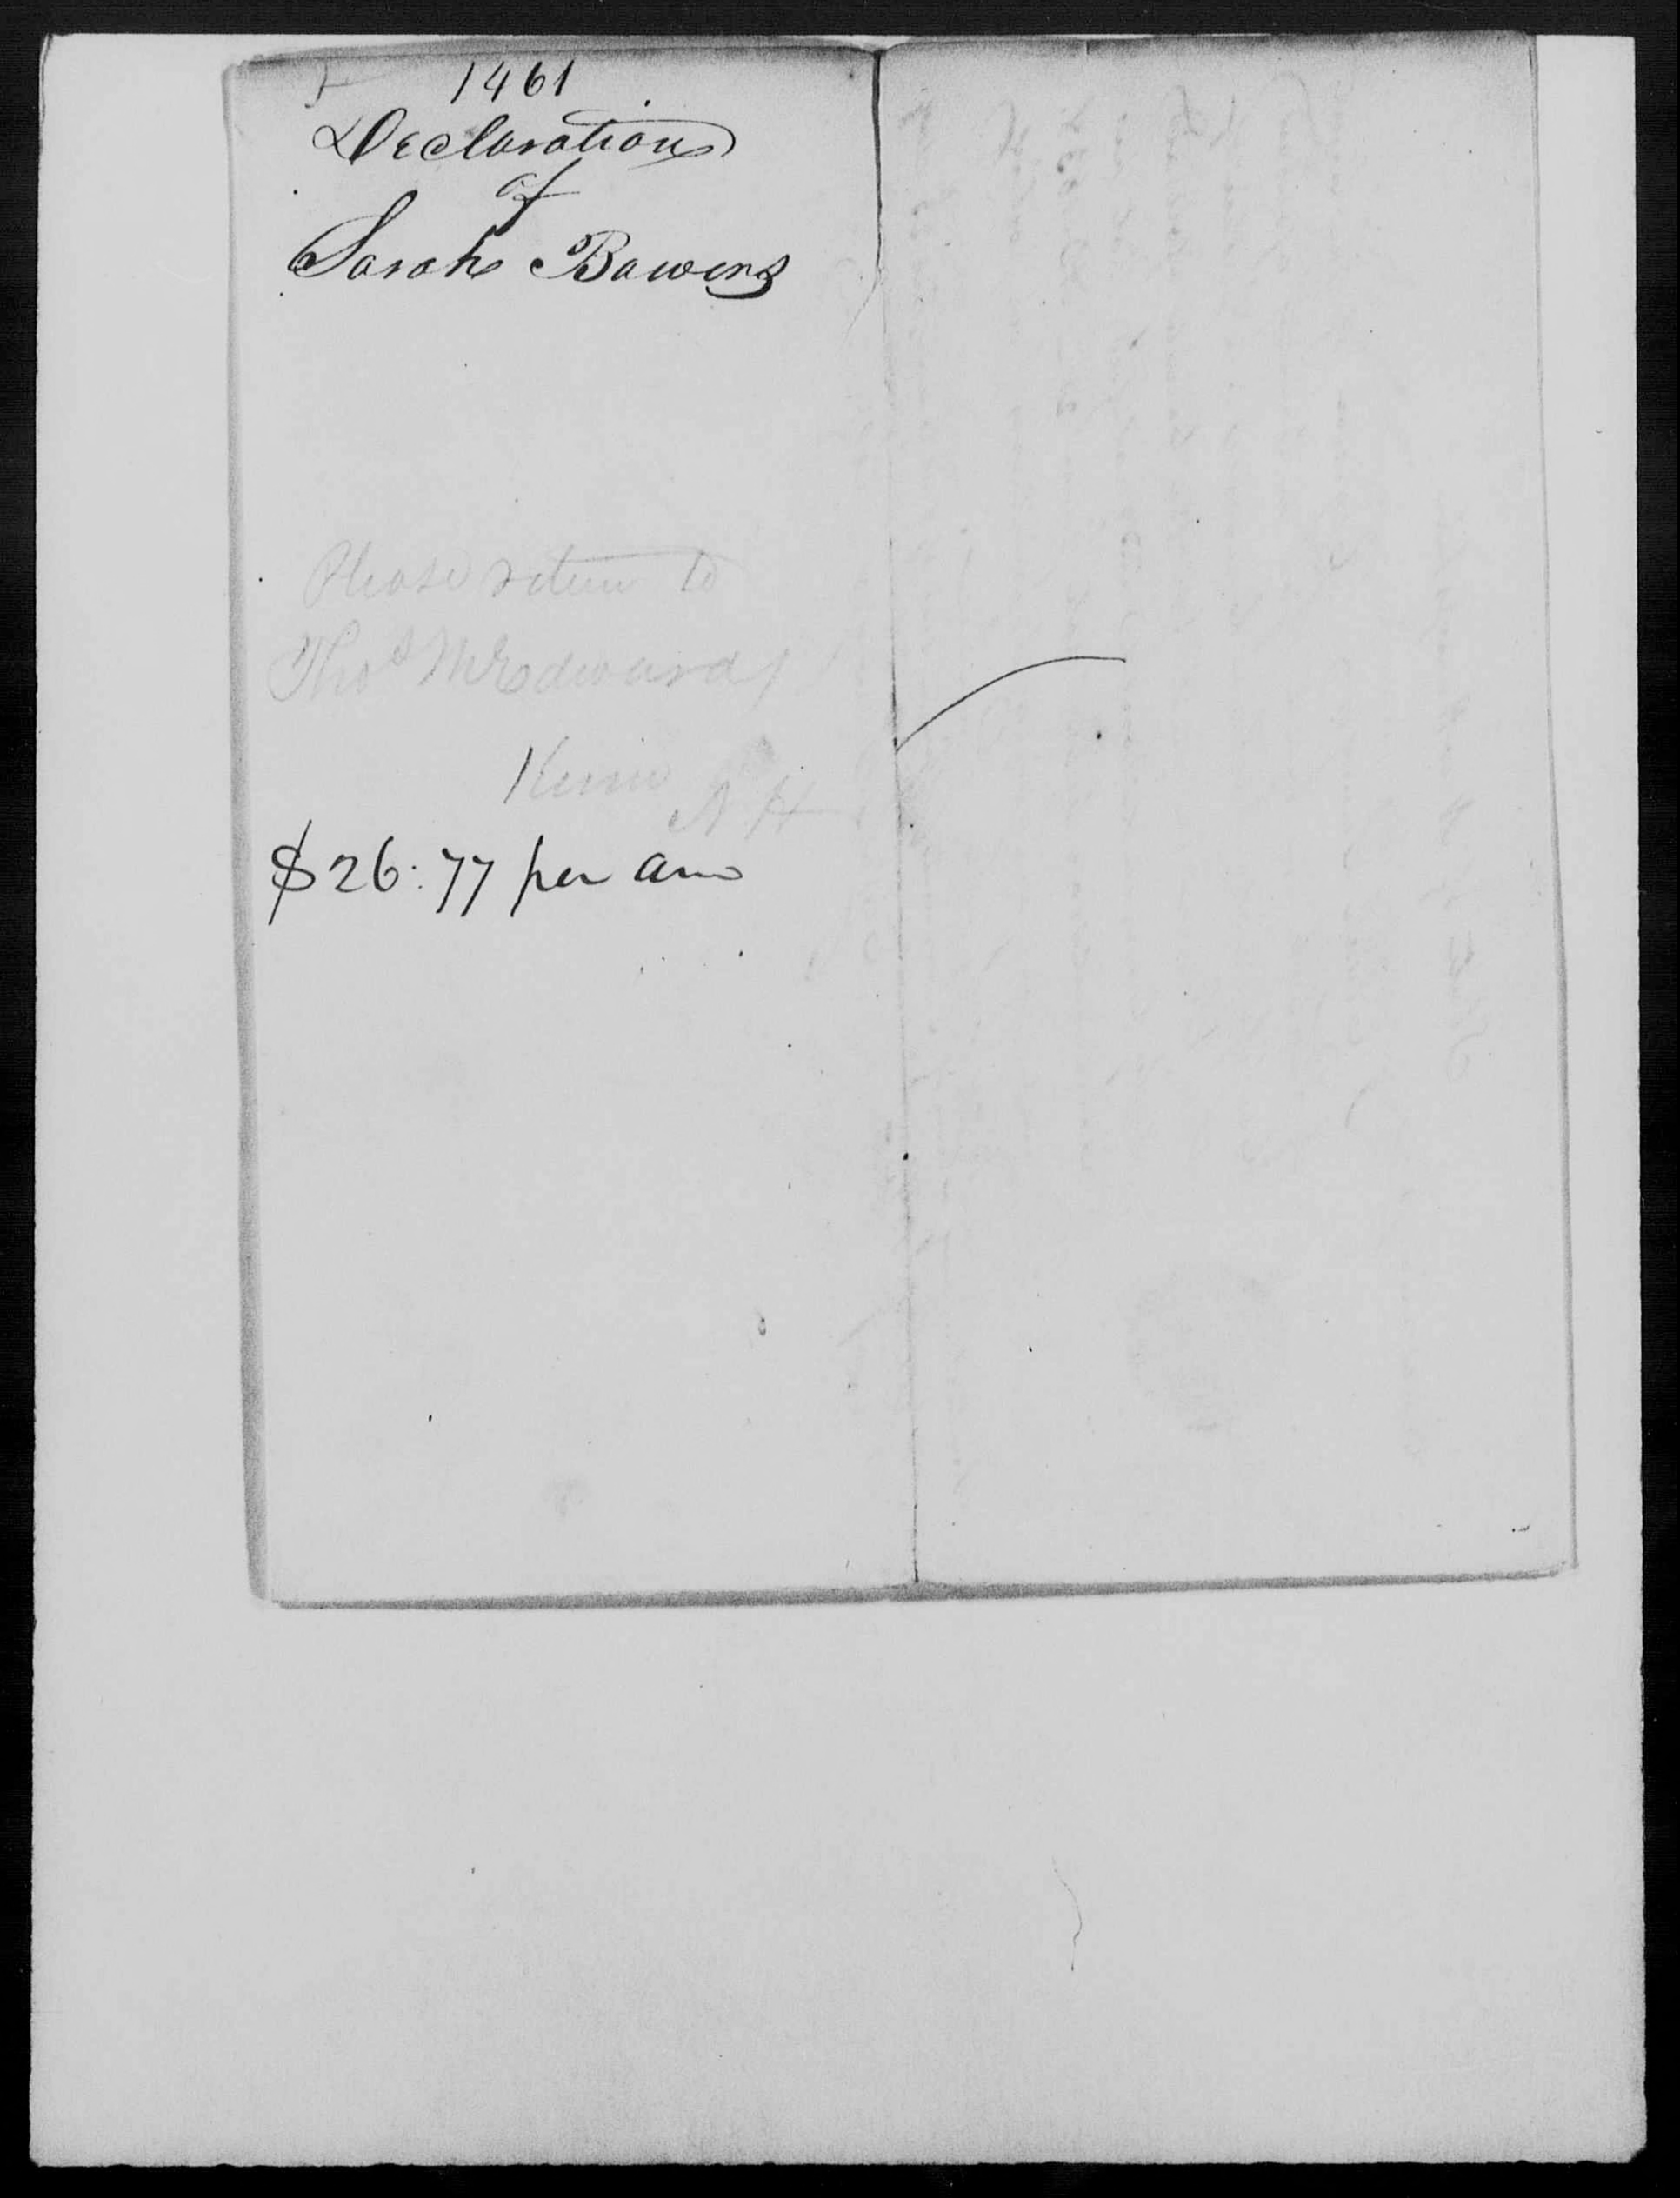1461
Declaration
of
Sarah Bowers

$26.77 per  an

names: Sarah Bowers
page: 39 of 42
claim: widow's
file: W. 23,652, Nehemiah Bowers, Mass.